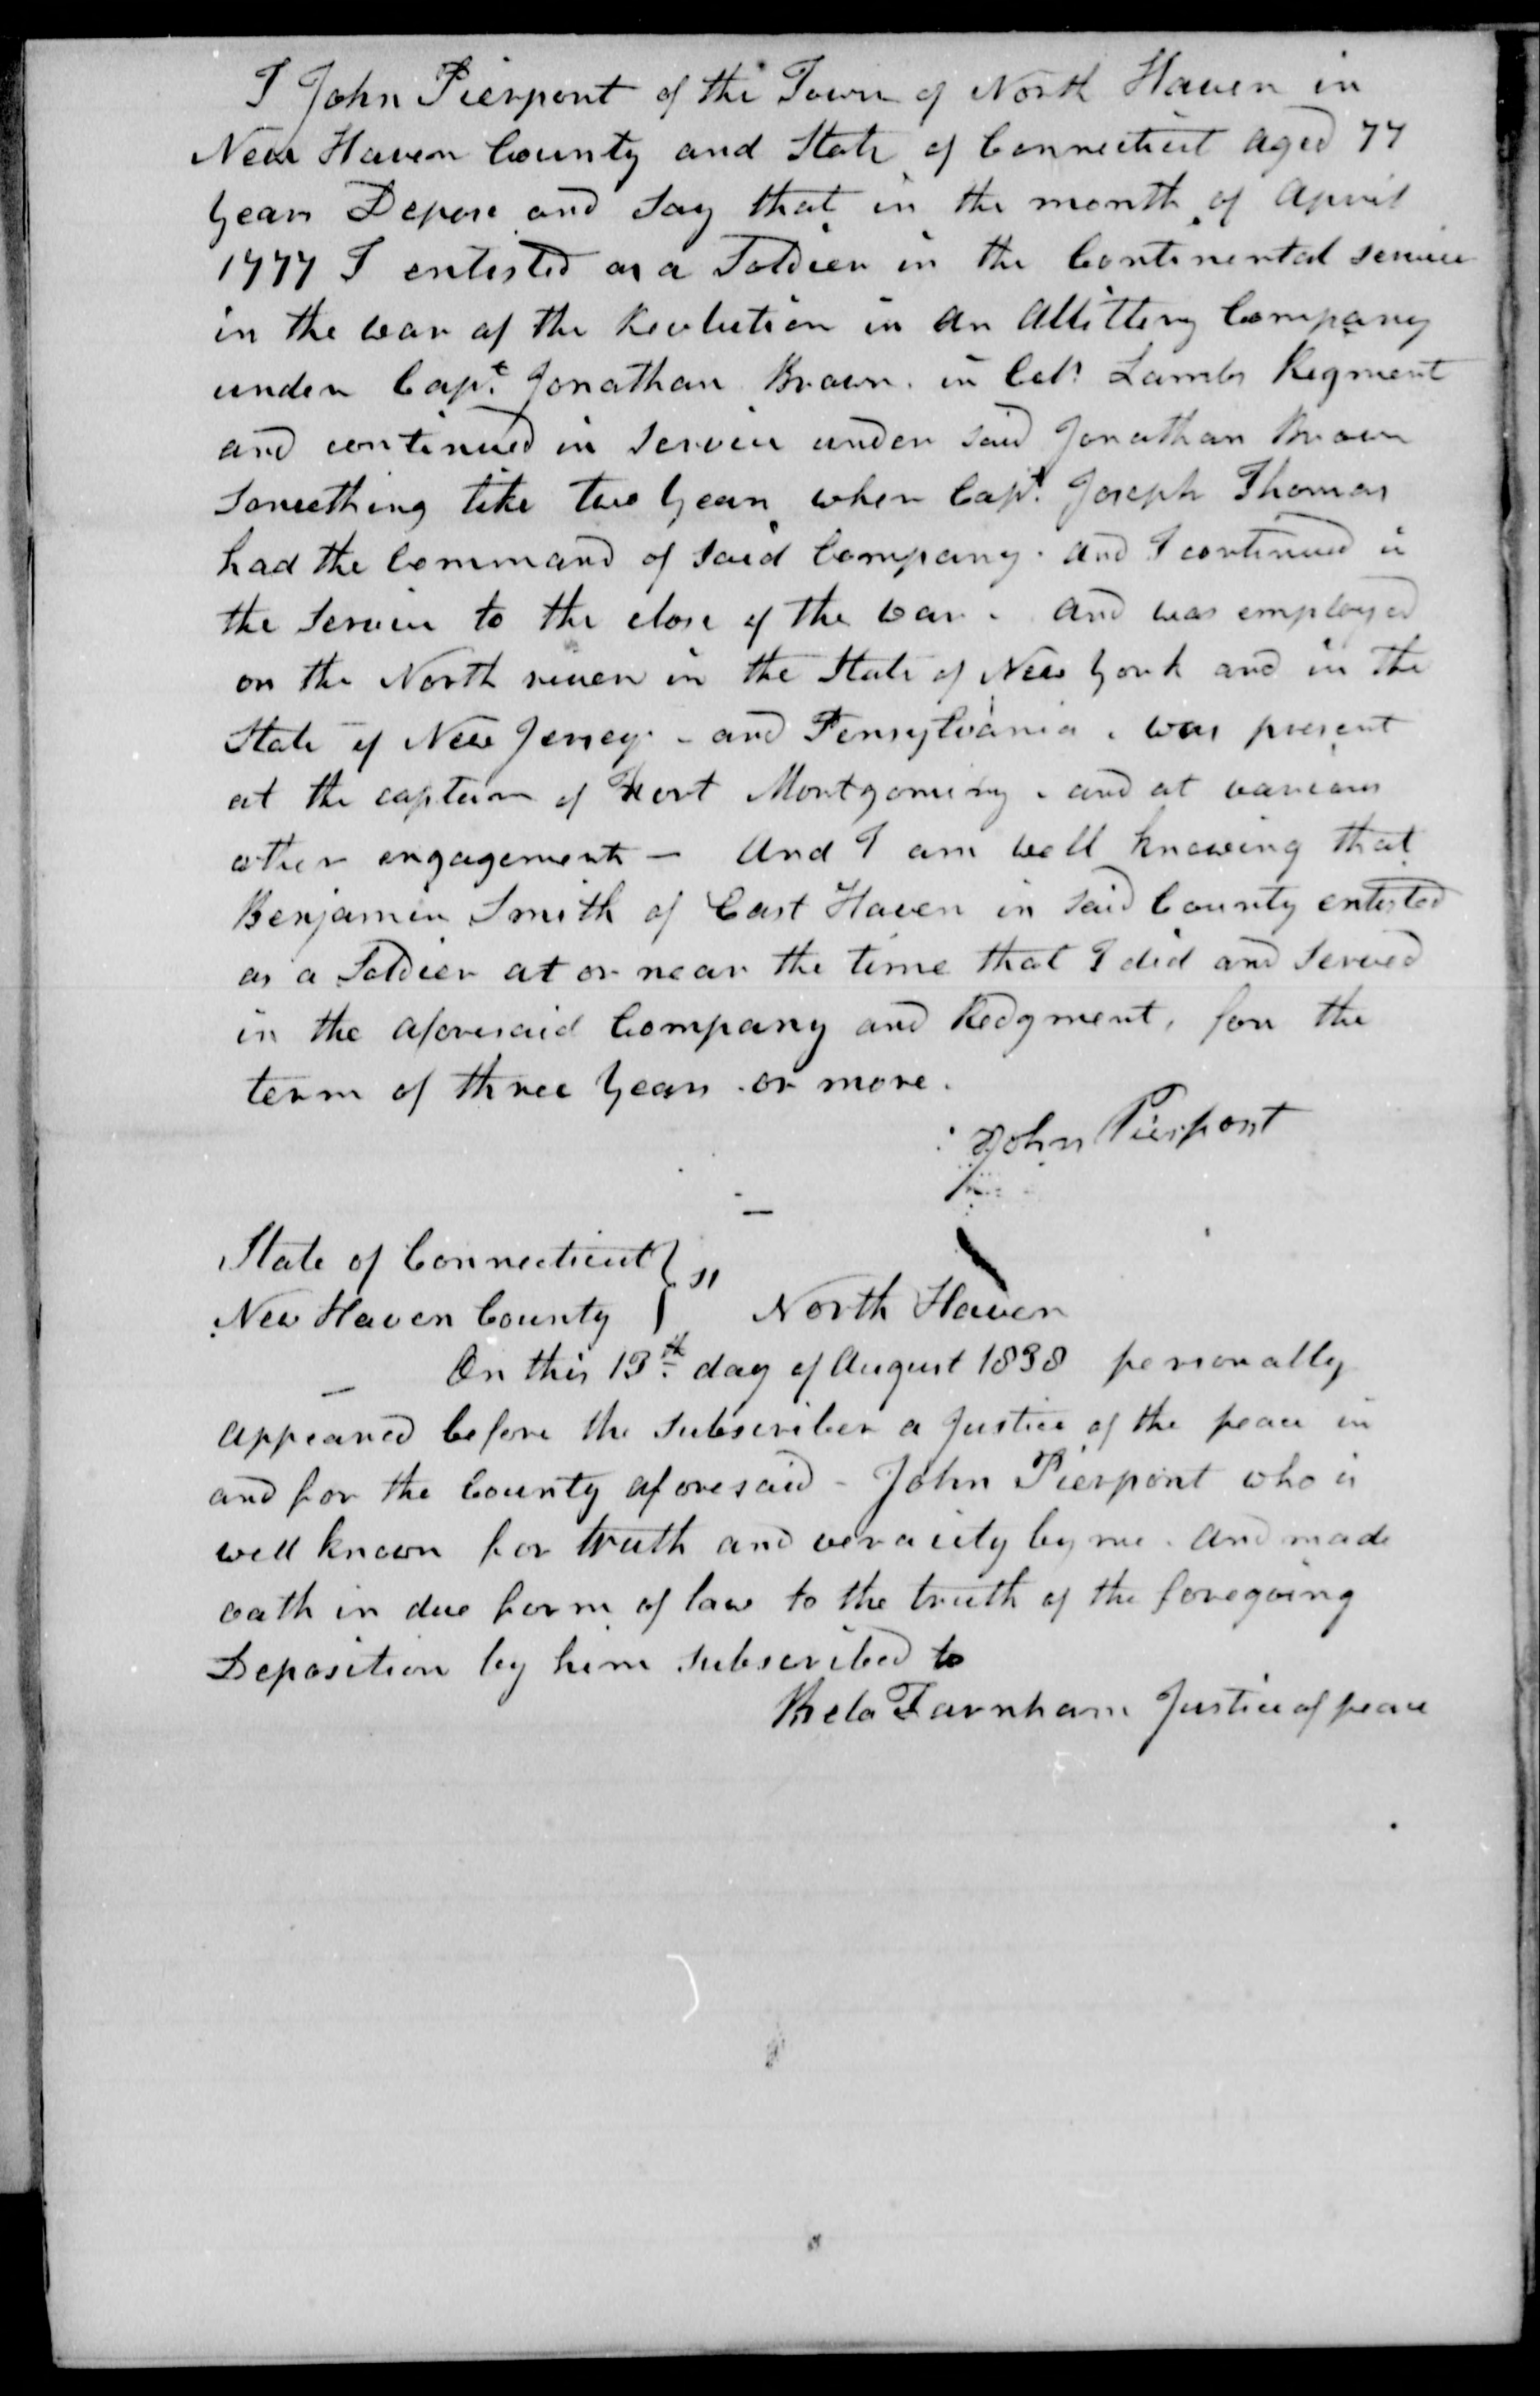I, John Pierpont of the town of North Haven in New Haven County and State of Connecticut gate 77 years depose and say that in the month of April 1777 I enlisted as a soldier in the Continental service in the War of the Revolution in an artillery company under Capt. Jonathan Brown in Col. Lambs Regiment and continued in service under said Jonathan Brown something like two years when Capt. Joseph Thomas had the command of said company and I continued in the service to the close of the war. And was employed on the North River in the state of New York and in the state of New Jersey - and Pennsylvania. Was present at the capture of Fort Montgomery and at various other engagements. And I am well knowing that Benjamin Smith of East Haven in said county enlisted as a soldier at or near the time that I did and served in the aforesaid company and regiment, for the term of three years or more. 
John Pierpont

State of Conneccticut
New Haven County} Ss. North Haven
On this 13th day of August 1832 personally appeared before the subscriber a Justice of the Peace in and for the county aforesaid, John Pierpont who is well known for truth and veracity by me, and made oath in due form of law to the truth of the foregoing deposition by him subscribed.
Bela Farnham Justice of Peace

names: Jonathan Brown; John Pierpont; Bela Farnham; Joseph Thomas; Jonathan Brown; John Pierpont; Benjamin Smith; John Pierpont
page: 10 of 19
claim: rejected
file: R 9792, for Benjamin Smith, Connecticut